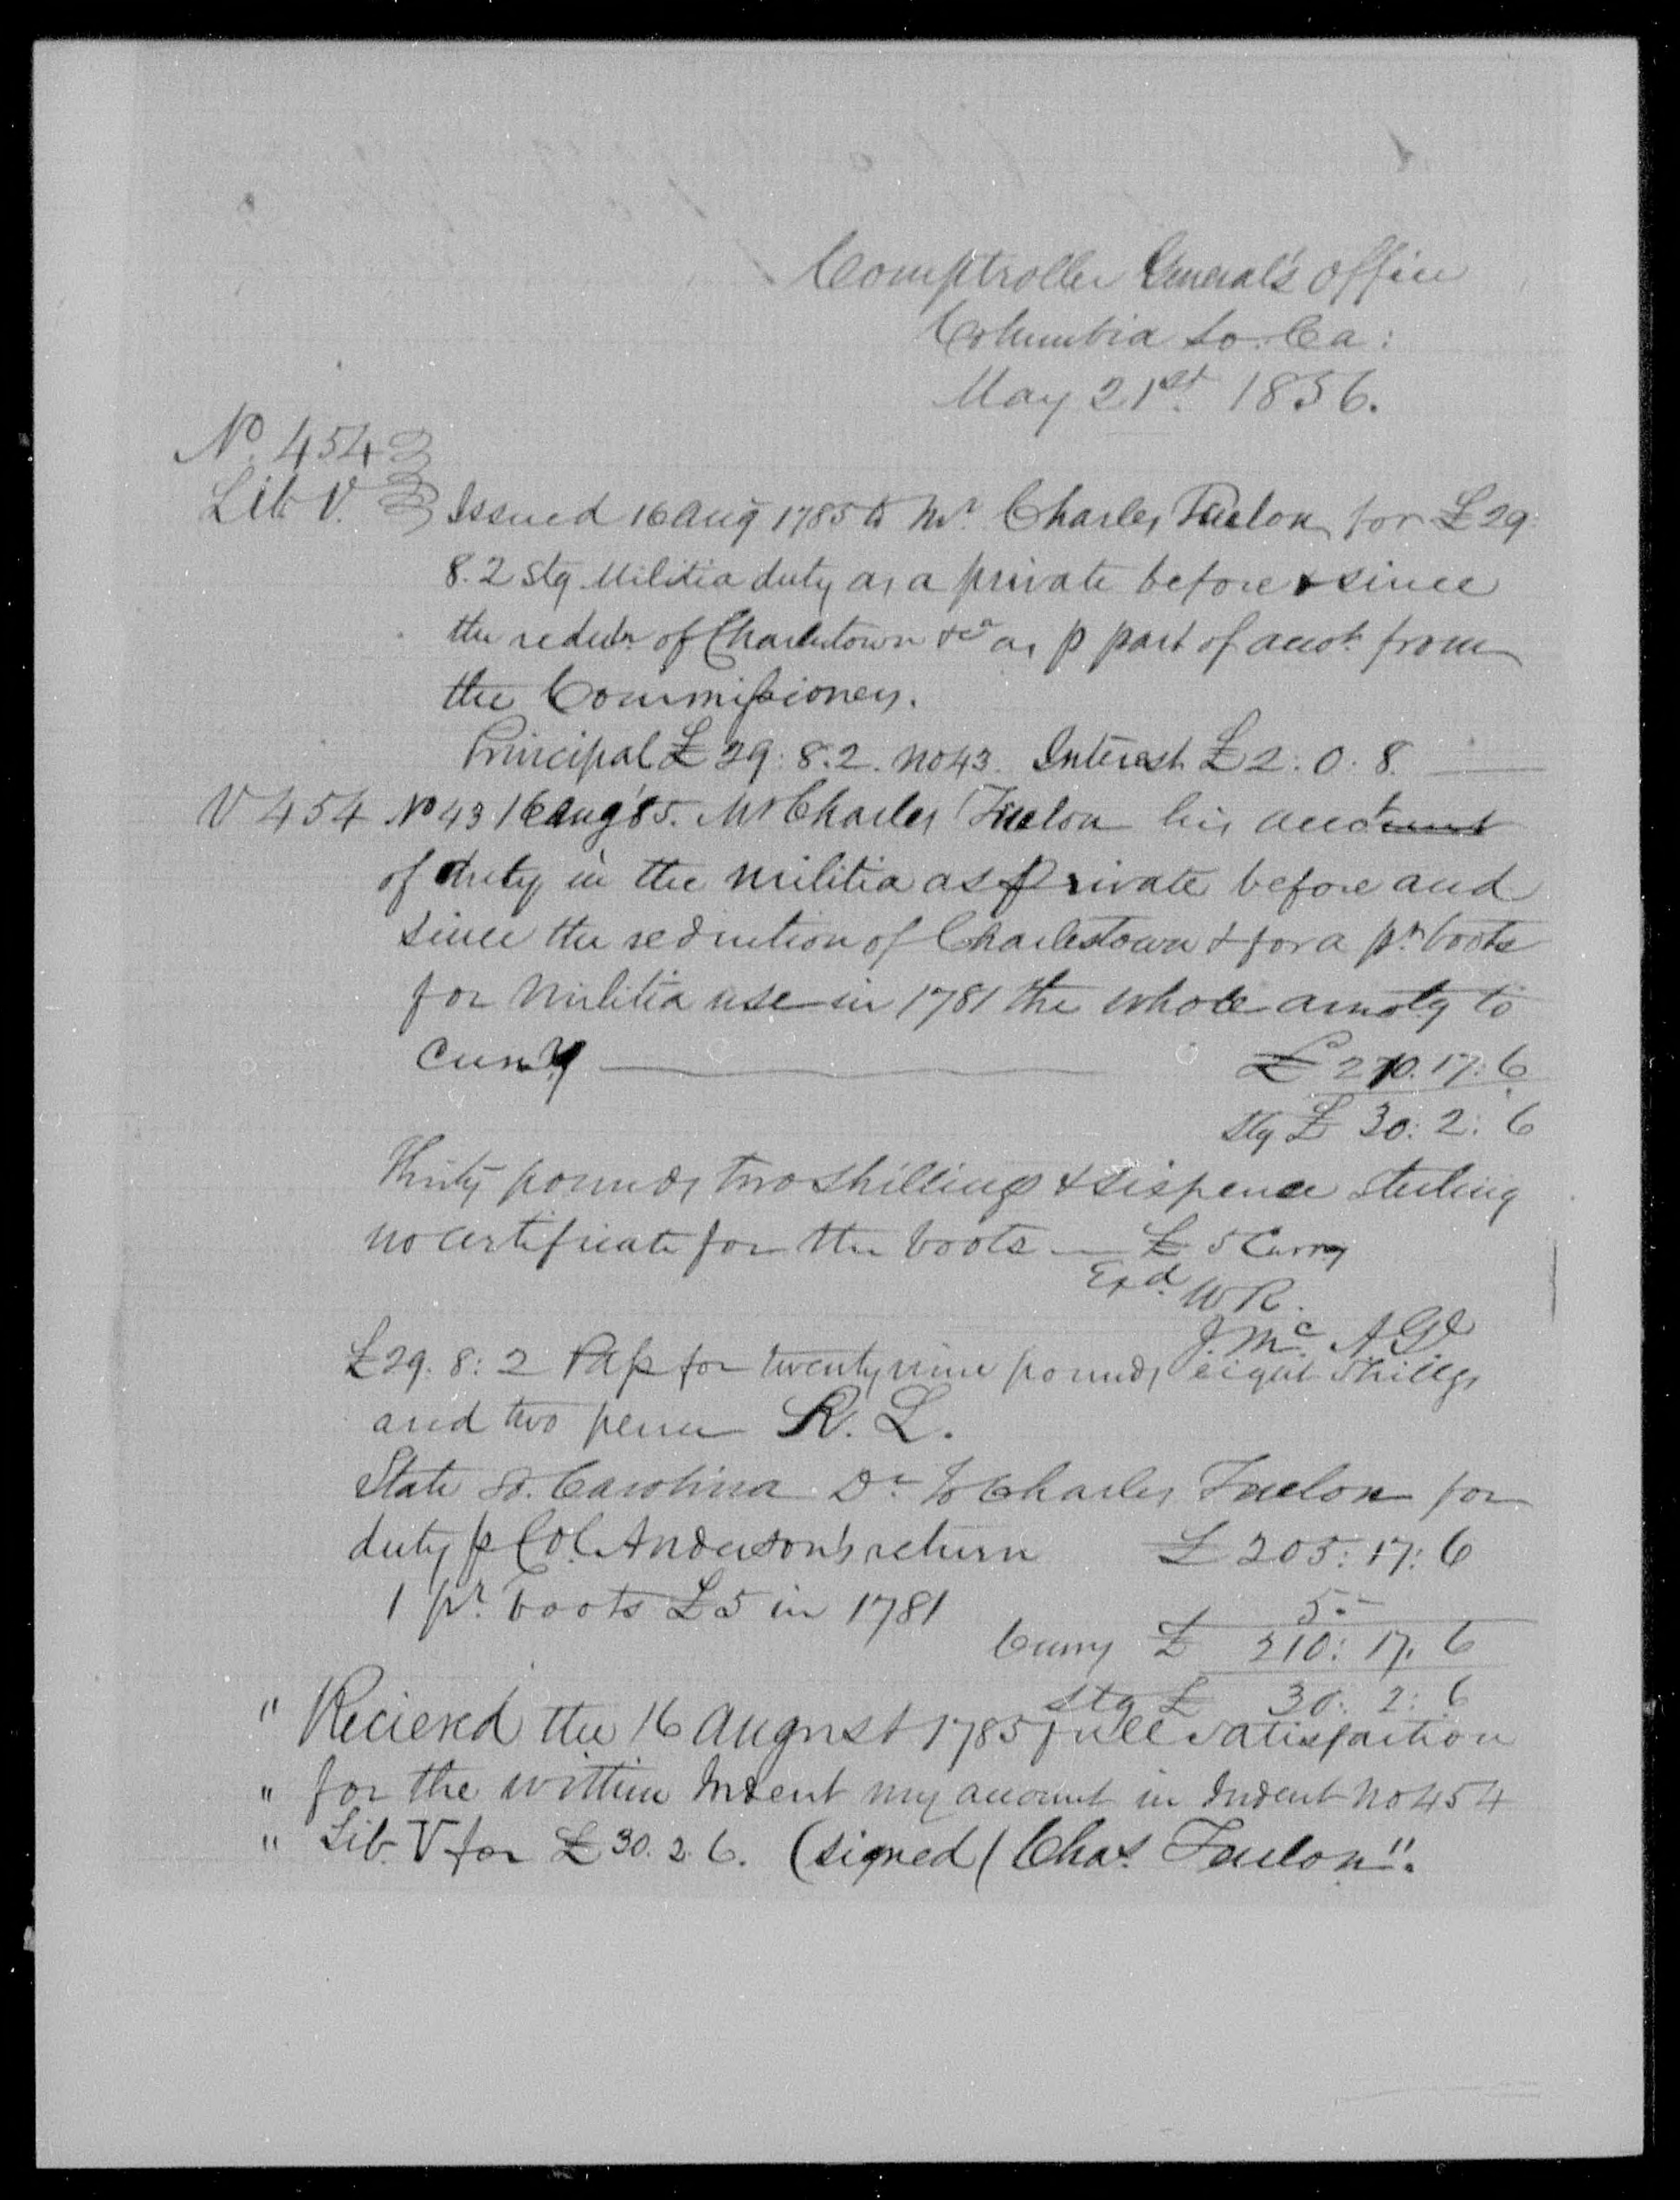Comptroller General's office
Columbia So Ca: May 21st 1856.

No. 454 (illegible) (scribble)
Issured 16 Aug 1785 to Mr. Charles Teulon for L 29 8.2 stg militia duty as a private before & Since the (illegible) of Charleston & as p part of accot. from the (illegible).
Principal L 29: 8.2. no 43. Interes L 2: 0.8 V 454 No 43 16 Aug '85. Mr. Charles Teulon his accot (account) of duty in the militia as private before and since the  (illegible) of Charlestown (sic) & for a Pr. (illegible) for militia use in 1781 the whole (illegible) to (illegible). L 2 (illegible) 17.6
(illegible) L. 30.2: 6
Thirty pounds two shillings & sixpence sterling no certificate for the boots L. S Curry Esd. WR. J. Mc(illegible) L 29. 8:2 Pap for twenty nine pounds eight shillings and two pence R. L. 
State So Carolina Dr to Charles Tuelon (sic) for Duty of Col. Anderson's return L 205: 17: 6
1 pr. boots L 5 in 1781 5. - (illegible L. 210: 17.6stg L 30: 2: 6
"Recieved (sic) this 16 August 1785 full satisfaction " for the written intent my account in Intent No 454 " Lib. V for L 30.2.6. (Signed / Chas. Teulon."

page: 14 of 19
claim: rejected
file: R. 10474, for Charles Teulon, South Carolina